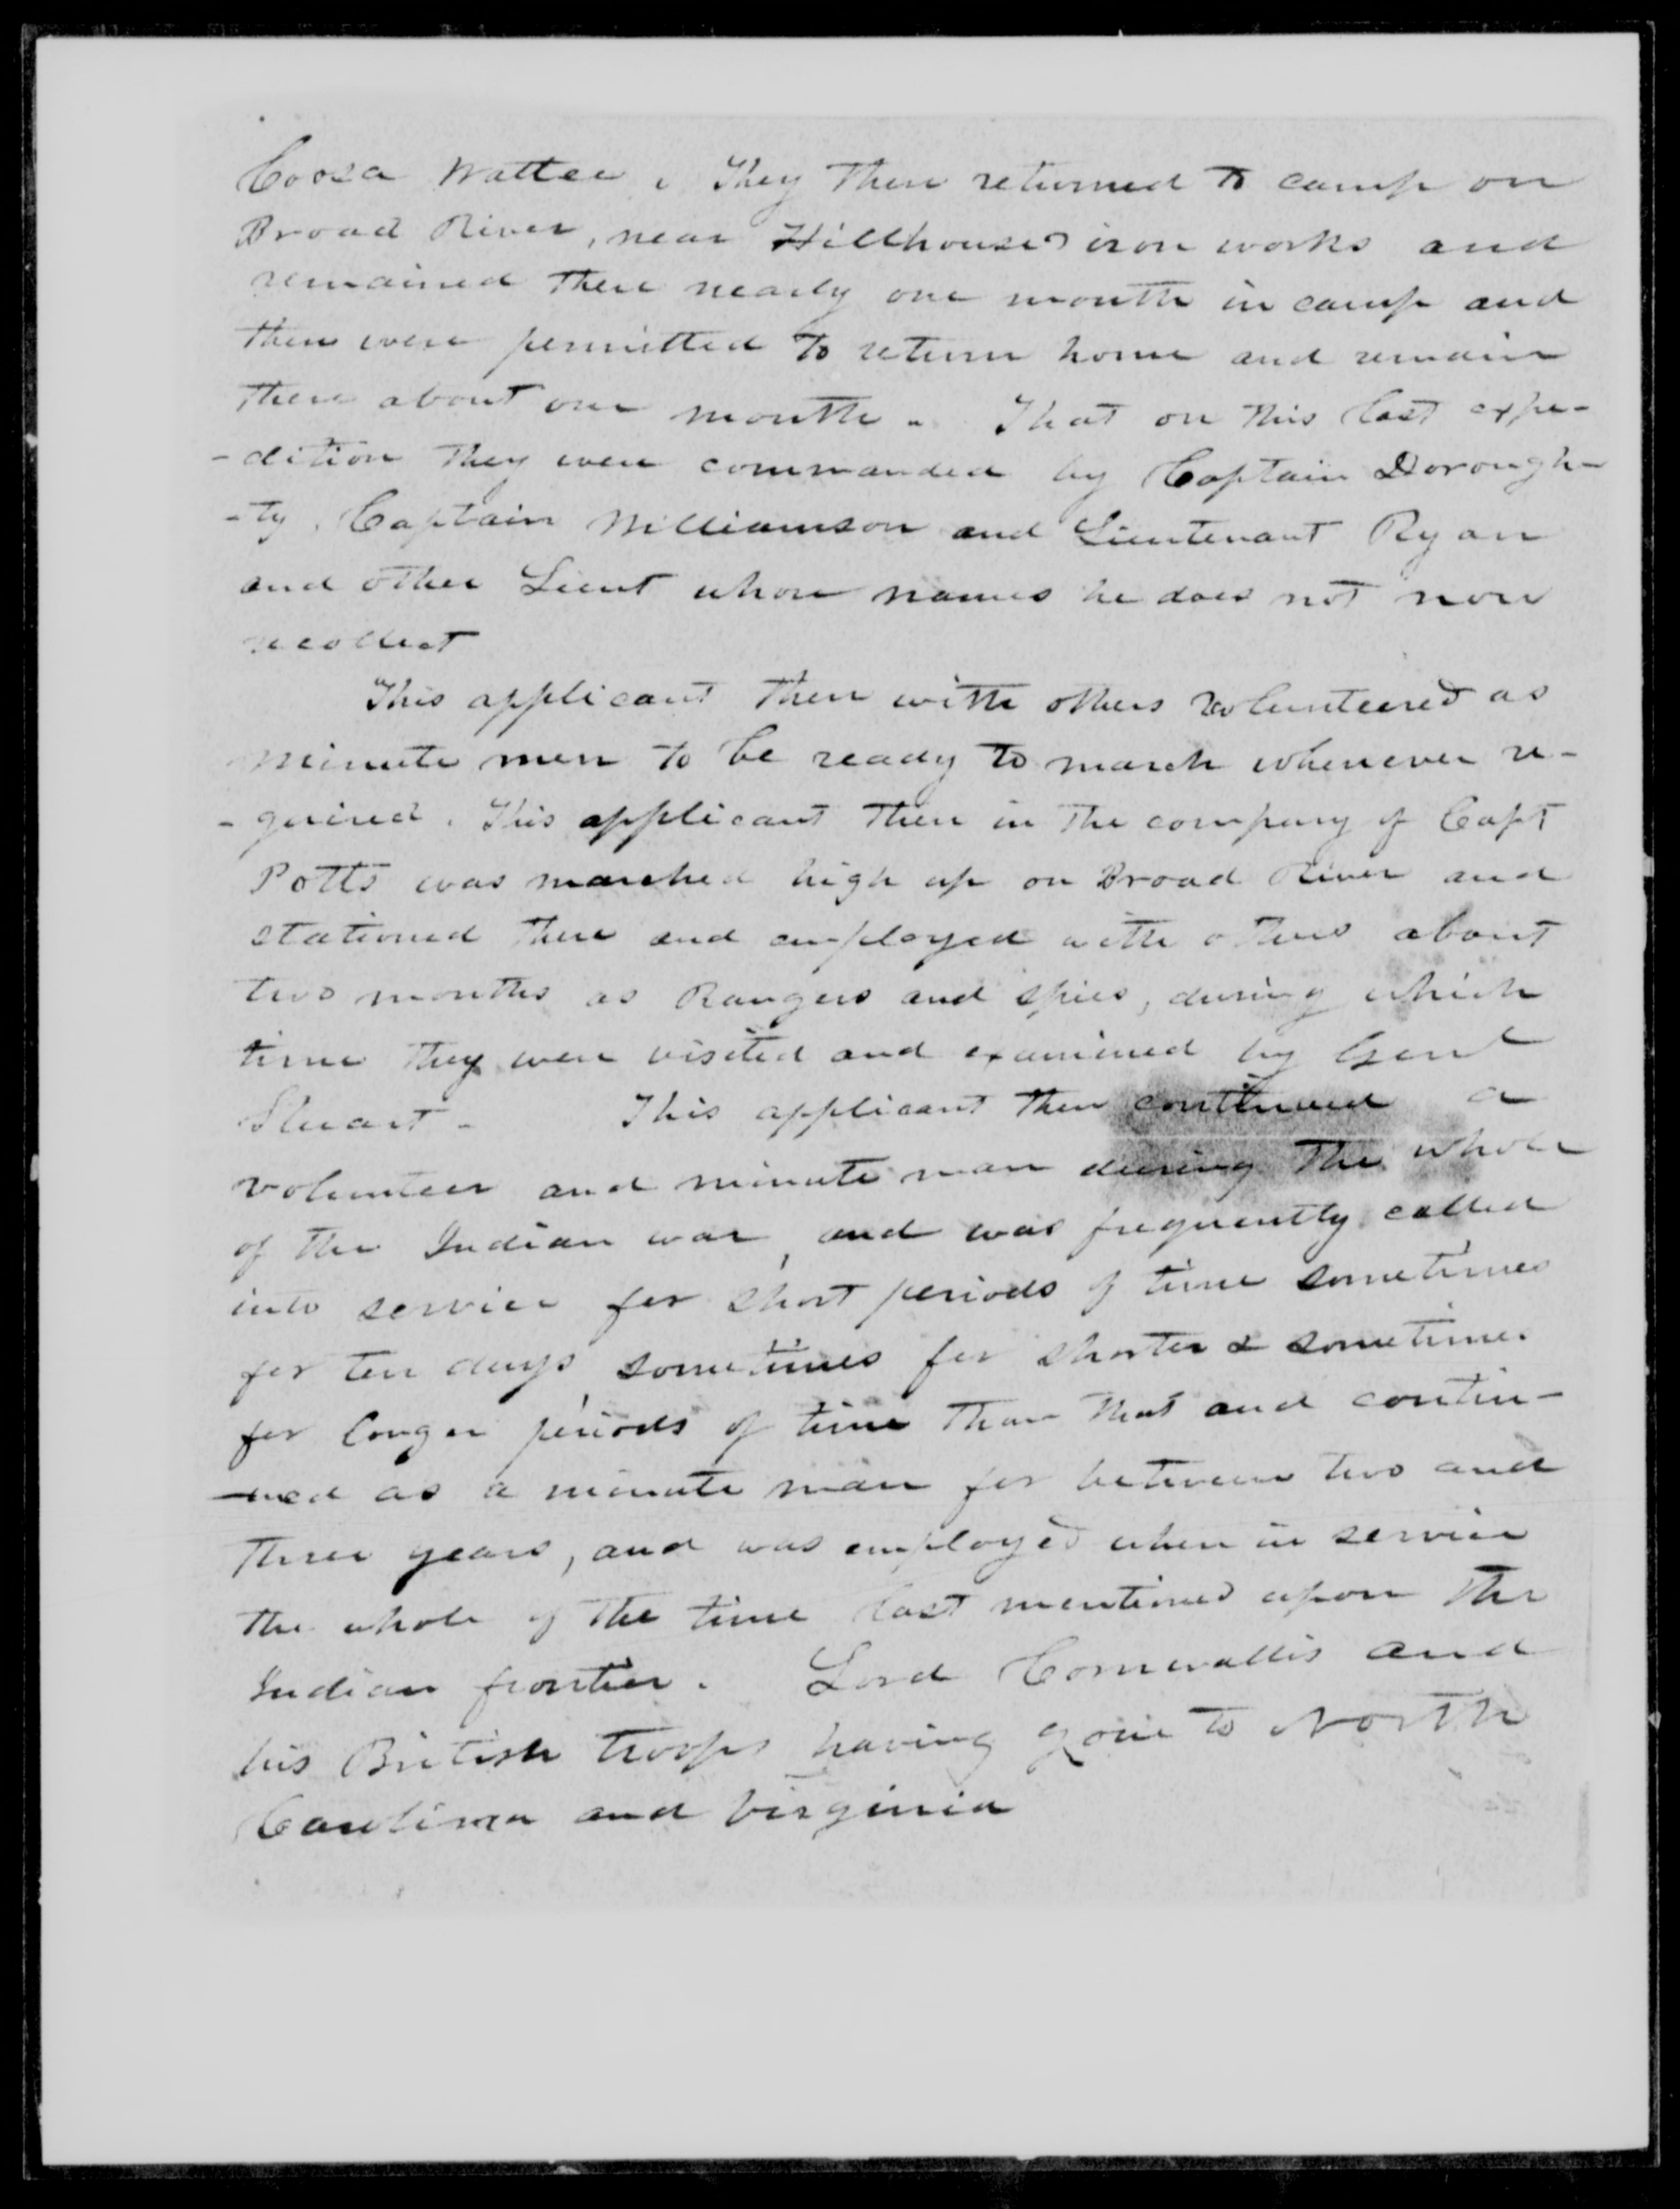Coosa Watter They then returned to camp on
Broad River, near Hillhouse iron works and
remained there nearly one month in camp and
then were permitted to return home and remain
there about one month. That on this last expedition  they were commanded by Captain Doroughty, Captain Williamson, and Lieutenant Ryan and other lieut whose names he does not now recollect
This applicant then with others volunteered as
minute men to be ready to march whenever required. This applicant then in the company of Capt Potts was marched high up on Broad River and stationed there and employed with others about two months as Rangers and spies, during which time they were visited and examined by Gen Stuart
This applicant then continued as volunteer and minute man during the whole
of the Indian war, and was frequently called
into service for short periods of time sometimes
for ten days sometimes for shorter & sometime
for longer periods of time than that and continued as a minute man for between two and three years, and was employed when in service
the whole of the time last mentioned upon the
Indian frontier. Lord Cornwallis and his British troops having gone to North Carolina and Virgina
---
Carlina and Virginia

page: 4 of 16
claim: rejected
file: R. 10561, for William Thompson, South Carolina